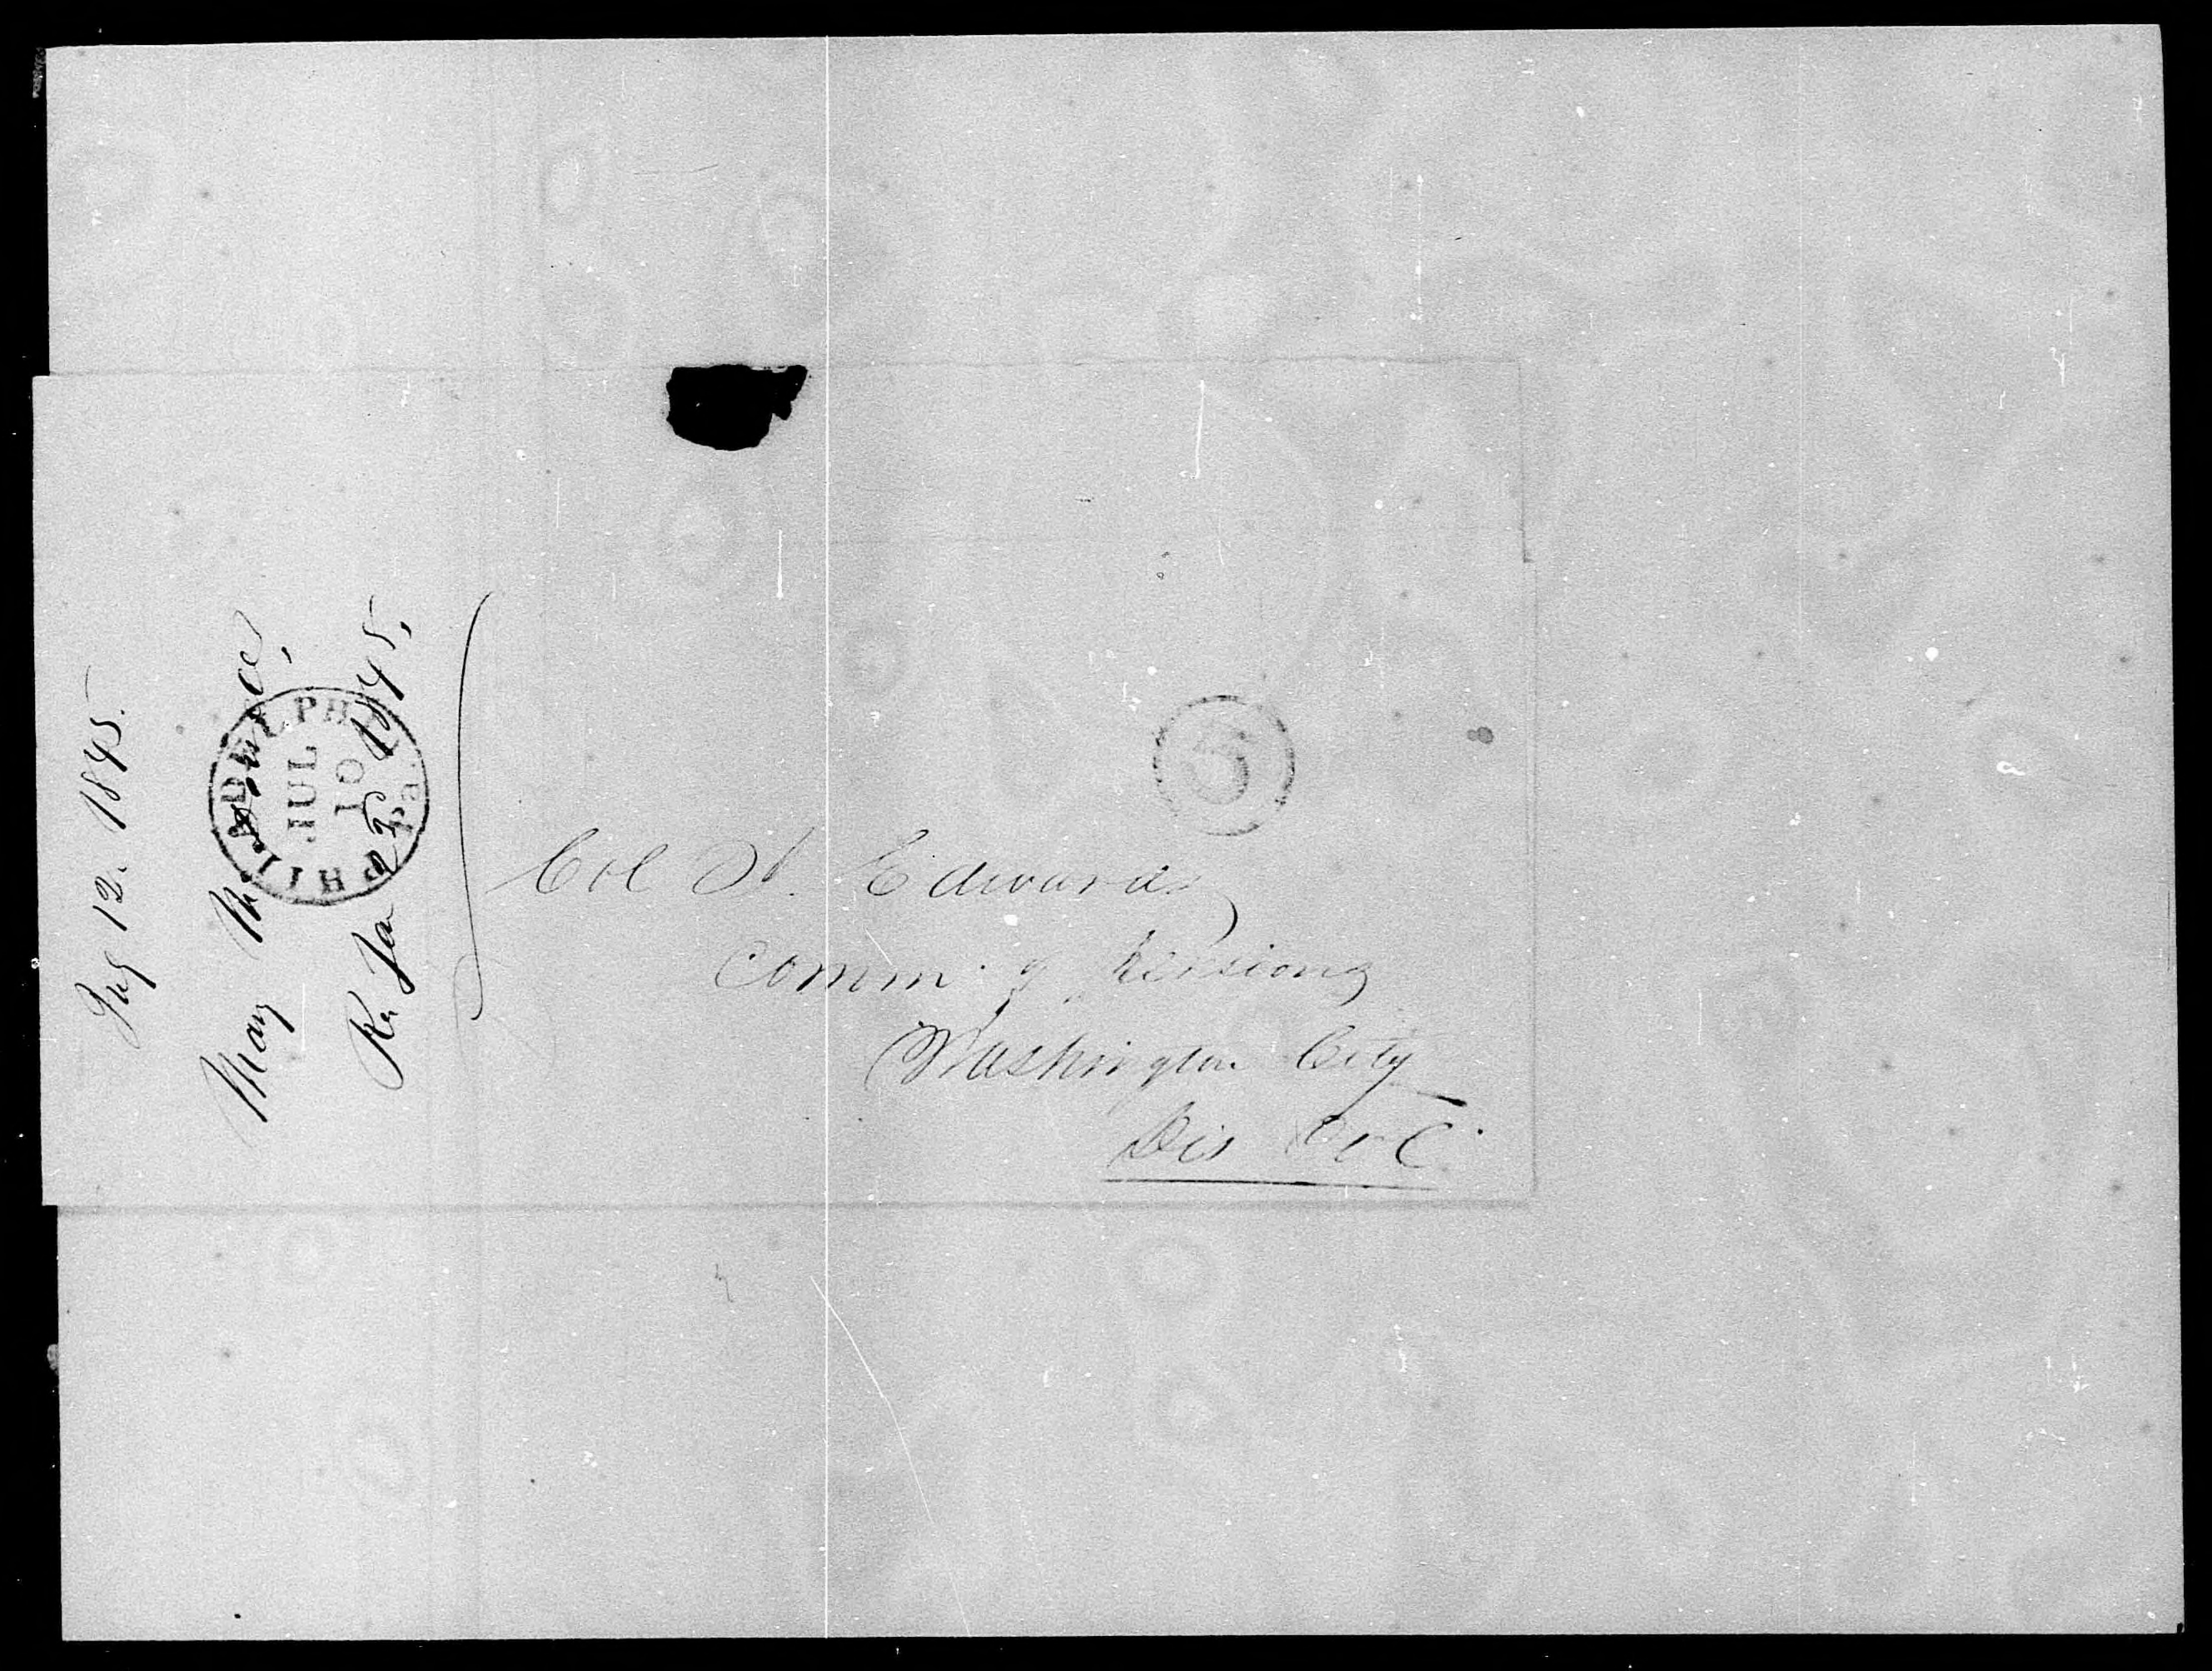July 12. 1845
Mary McDowell
R. Jan 29. 1848.

[seal] PHILADELPHIA Pa. JUL 10 [/seal]

Col [illegible] Edwards
Comm. of Pensions
Washington City
Dis Col.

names: J Edwards; Mary Mc Dowell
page: 56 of 63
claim: widow's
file: W 2957, for Thomas Mc Dowell, Maryland